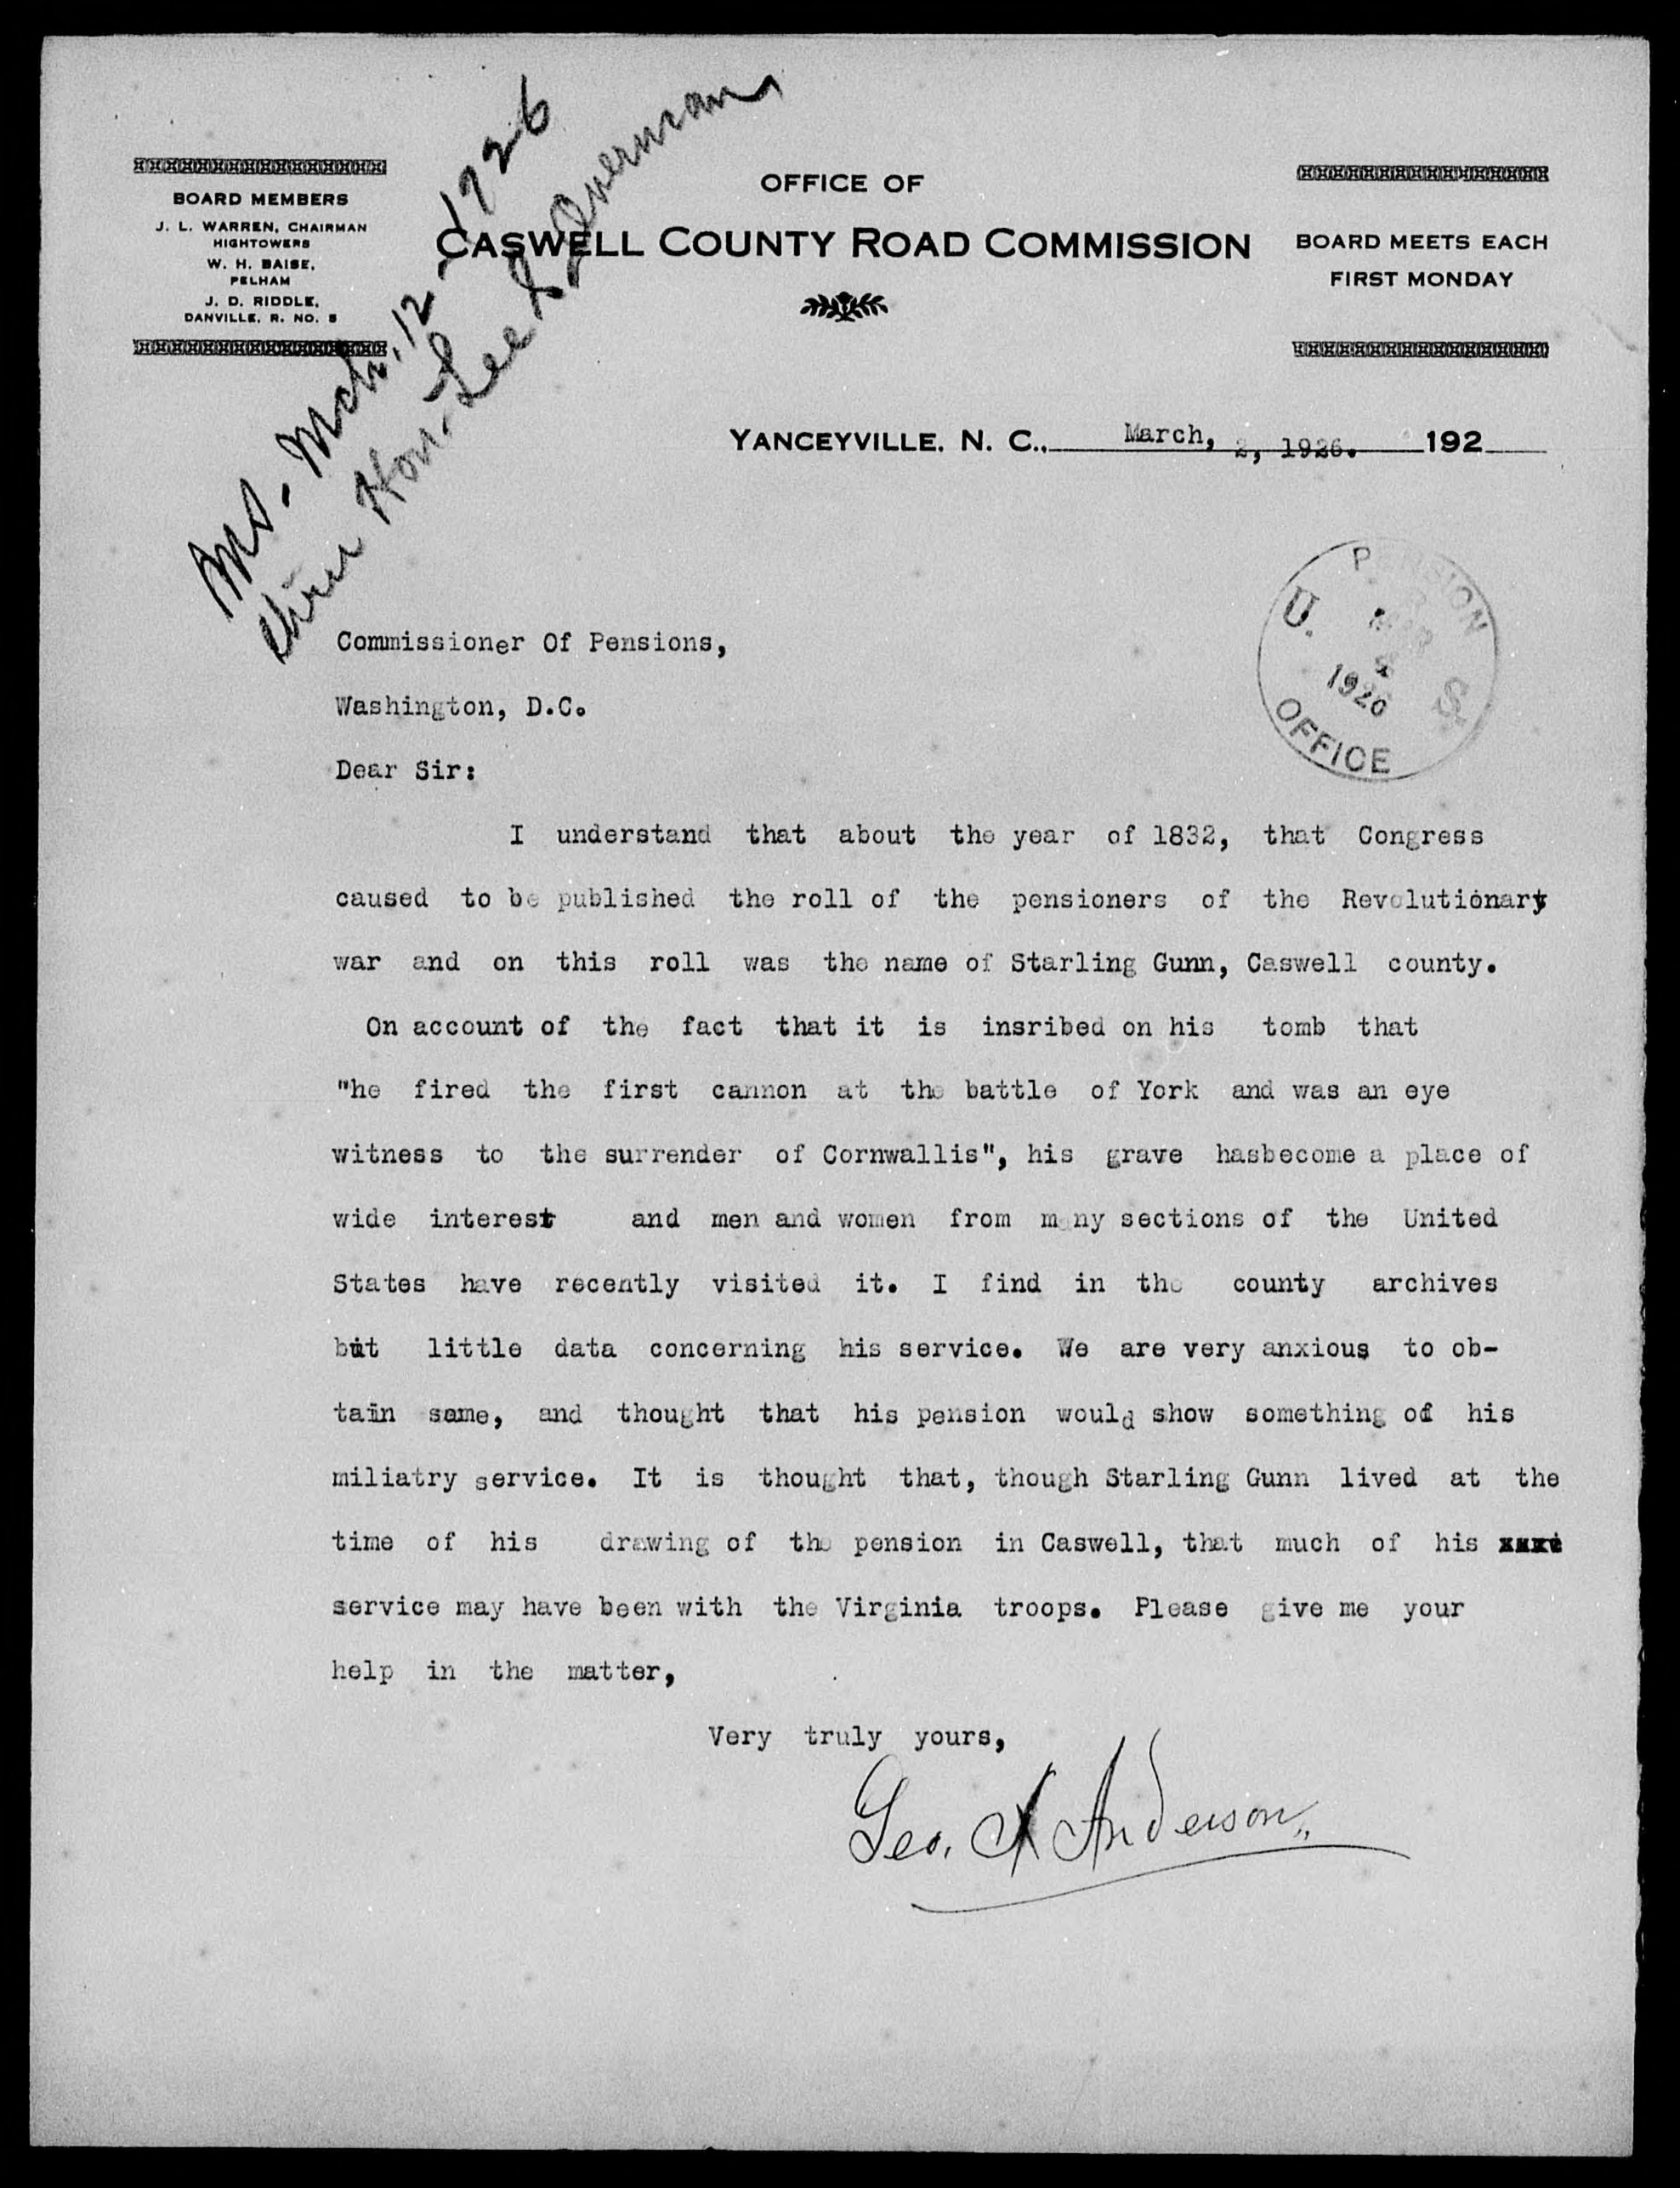BOARD MEMBERS 
J. L. WARREN, CHAIRMAN HIGHTOWERS 
W. H. BAISE [or MAISE], PELHAM 
J. D. RIDDLE. DANVILLE, R. NO. 5 
OFFICE OF CASWELL COUNTY ROAD COMMISSION 
BOARD MEETS EACH FIRST MONDAY YANCEYVILLE. N. C. March 2, 1926. 192_
Commissioner of Pensions, Washington, D. C. Dear Sir: I understand that about the year of 1832, that Congress caused to be published the roll of the pensioners of the Revolutionary war and on this roll was the name of Starling Gunn, Caswell county. 
On account of the fact that it is insribed on his tomb that "he fired the first cannon at the battle of York and was an eye witness to the surrender of Cornwallis", his grave has become a place of wide interest and men and women from many sections of the United States have recently visited it. I find in the county archives but little data concerning his service. We are very anxious to obtain same, and thought that his pension would show something of his miliatry service. It is thought that, though Starling Gunn lived at the time of his drawing of the pension in Caswell, that much of his service may have been with the Virginia troops. Please give me your help in the matter, 
Very truly yours, 
Geo. A Anderson..

[Margin note:]
Ans. Mch. 12 1926 thru Hon. Lee S. Overman.

[Stamp:]
U.S. PENSION OFFICE
R  MAR 4 1926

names: J D Riddle, Geo A Anderson, J L Warren, Starling Gunn, Lee S Overman, W H Baise, Starling Gunn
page: 43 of 58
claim: survivor's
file: S. 6,941, Starling Gunn, Continental Va.